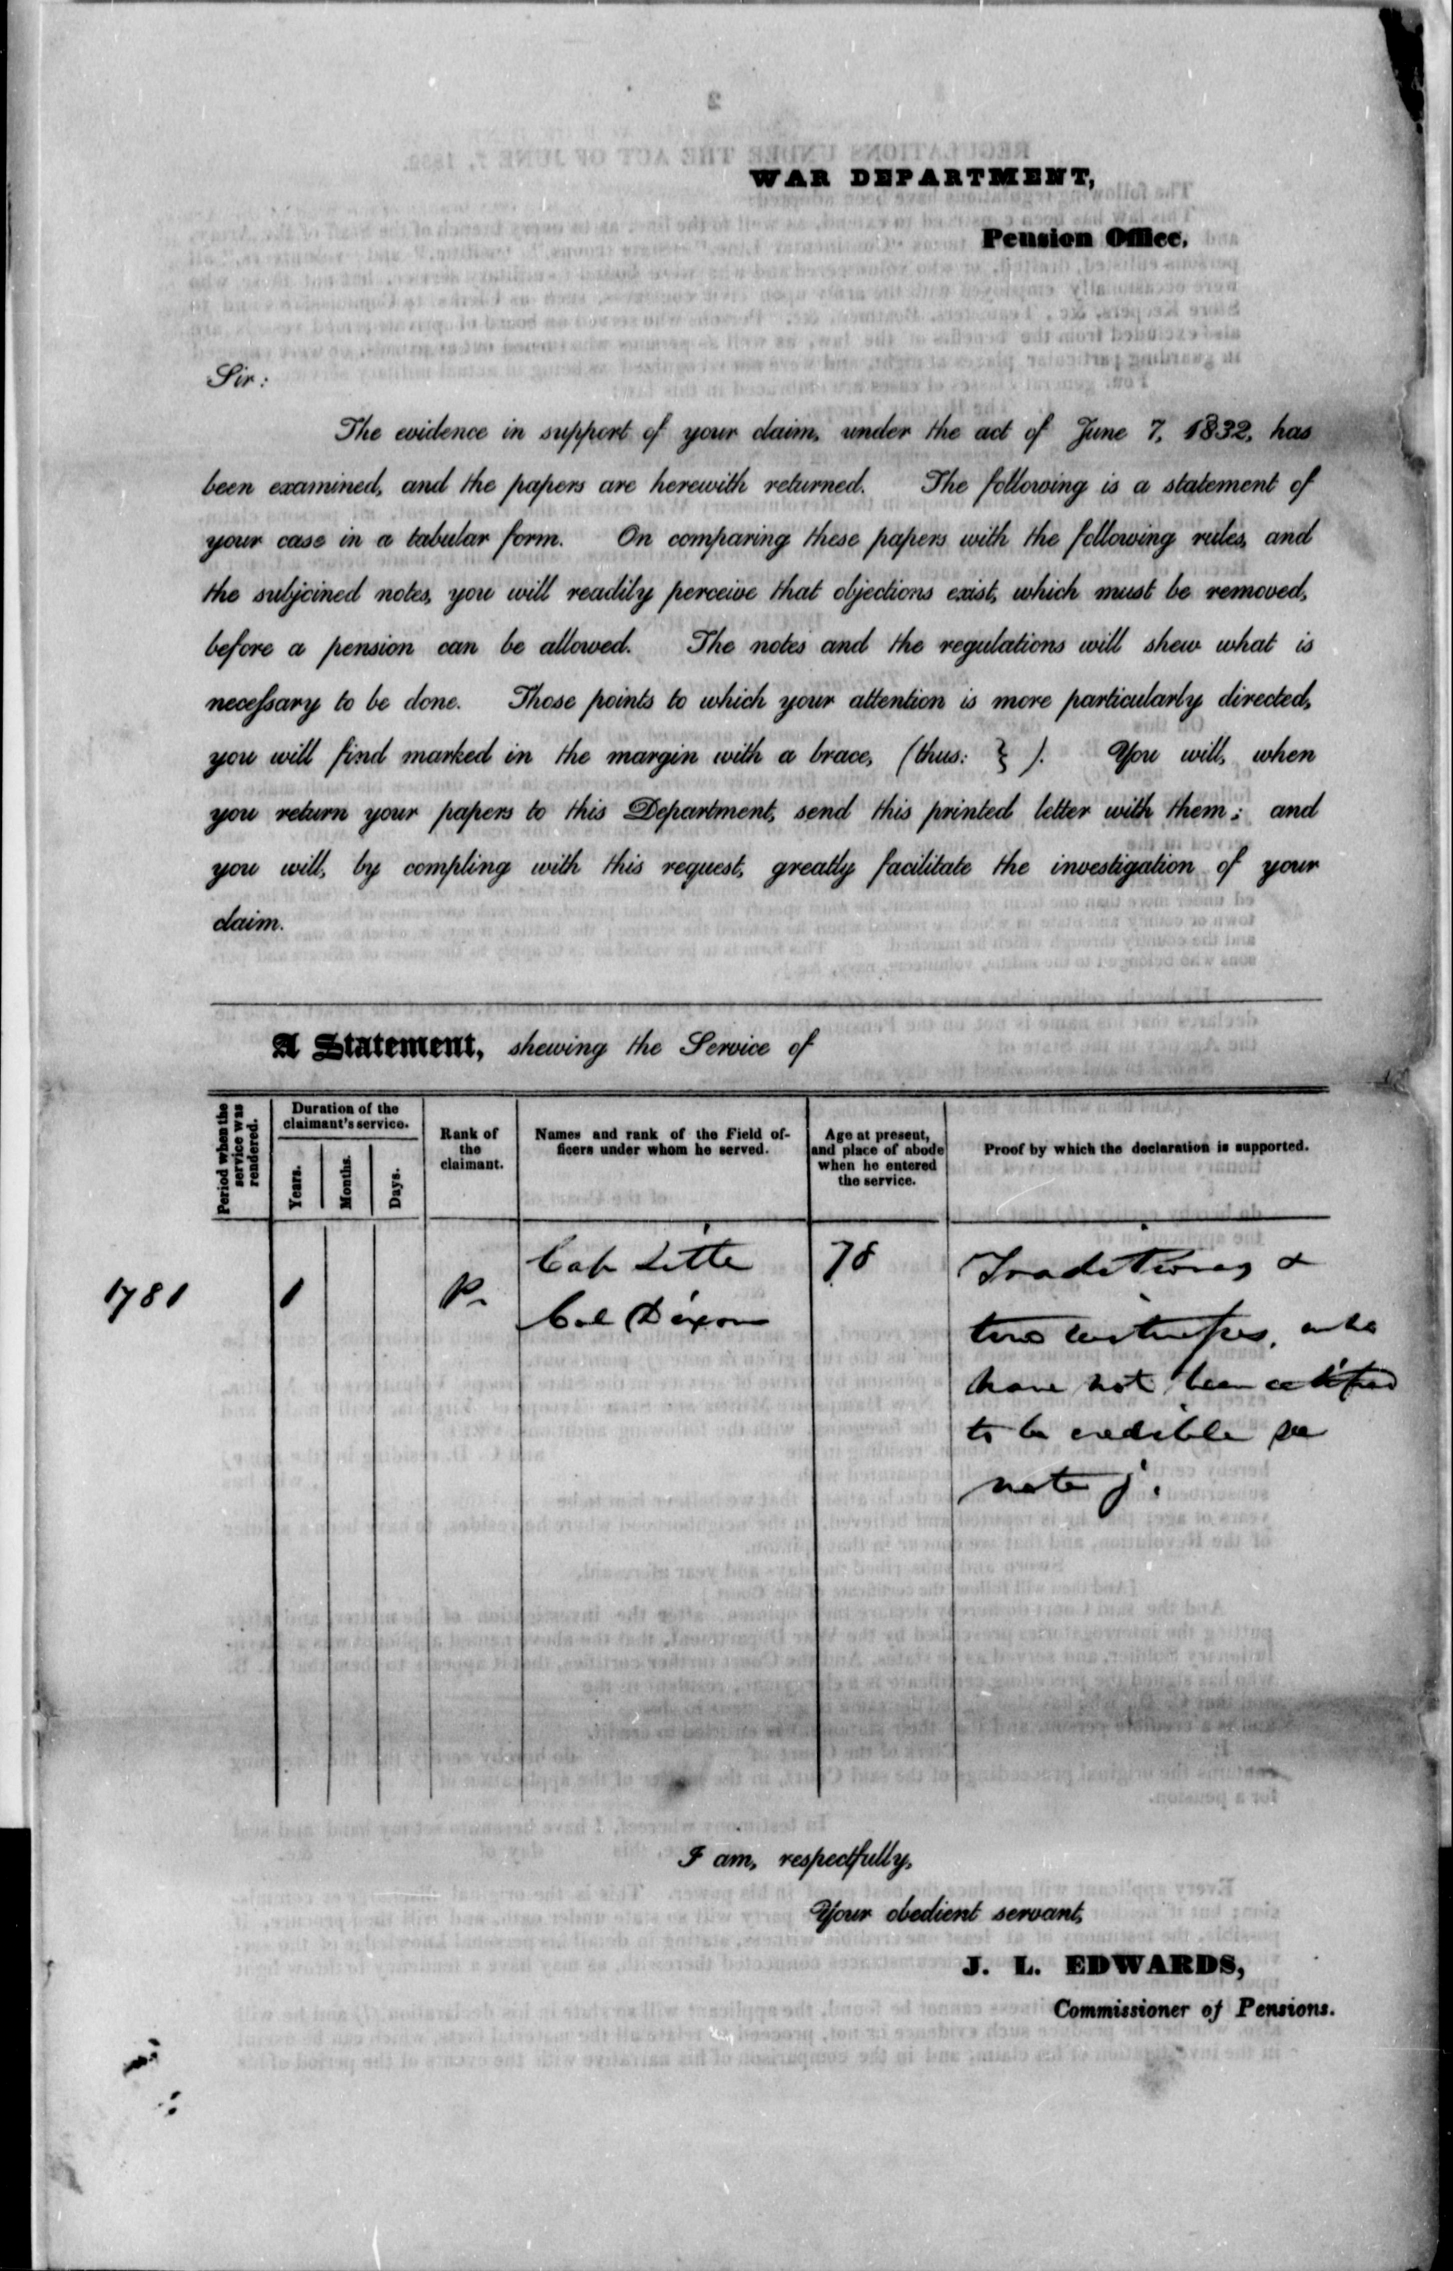WAR DEPARTMENT,
Pension Office,
Sir:
The evidence in support of your claim, under the act of June 7, 1832, has
been examined, and the papers are herewith returned. The following is a statement of
your case in a tabular form. On comparing these papers with the following rules, and
the subjoined notes, you will readily perceive that objections exist, which must be removed,
before a pension can be allowed. the notes and the regulations will show what is
necessary to be done. Those points to which your attention is more particularly directed,
you will find marked in the margin with a brace, (thus: ⎬).
You will, when
you return your papers to this Department, send this printed letter with them; and
you will, by compling with this request, greatly facilitate the investigation of your
claim
Statement, showing the Service of

Period when the service was
rendered.

Duration of the
claimant's service.
Years.
Months,
Days

Rank of
the
claimant.

Names and rank of the Field officers
under whom he served.

Age at present,
and place of abode
when he entered
the service.

Proof by which the declaration is supported.

1781    1 yr.   pri.  Cap Litle   78
                             C. Dixon


Trade [illegible] &
two witnesses who
have not been certified
to be credible see
note

I am, respectfully,
Your obedient servant

J. L. EDWARDS,
Commissioner of Pensions.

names: Dixon, J L Edwards, Litle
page: 8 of 35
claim: survivor's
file: S. 32089, John Abbott, Continental N. C.